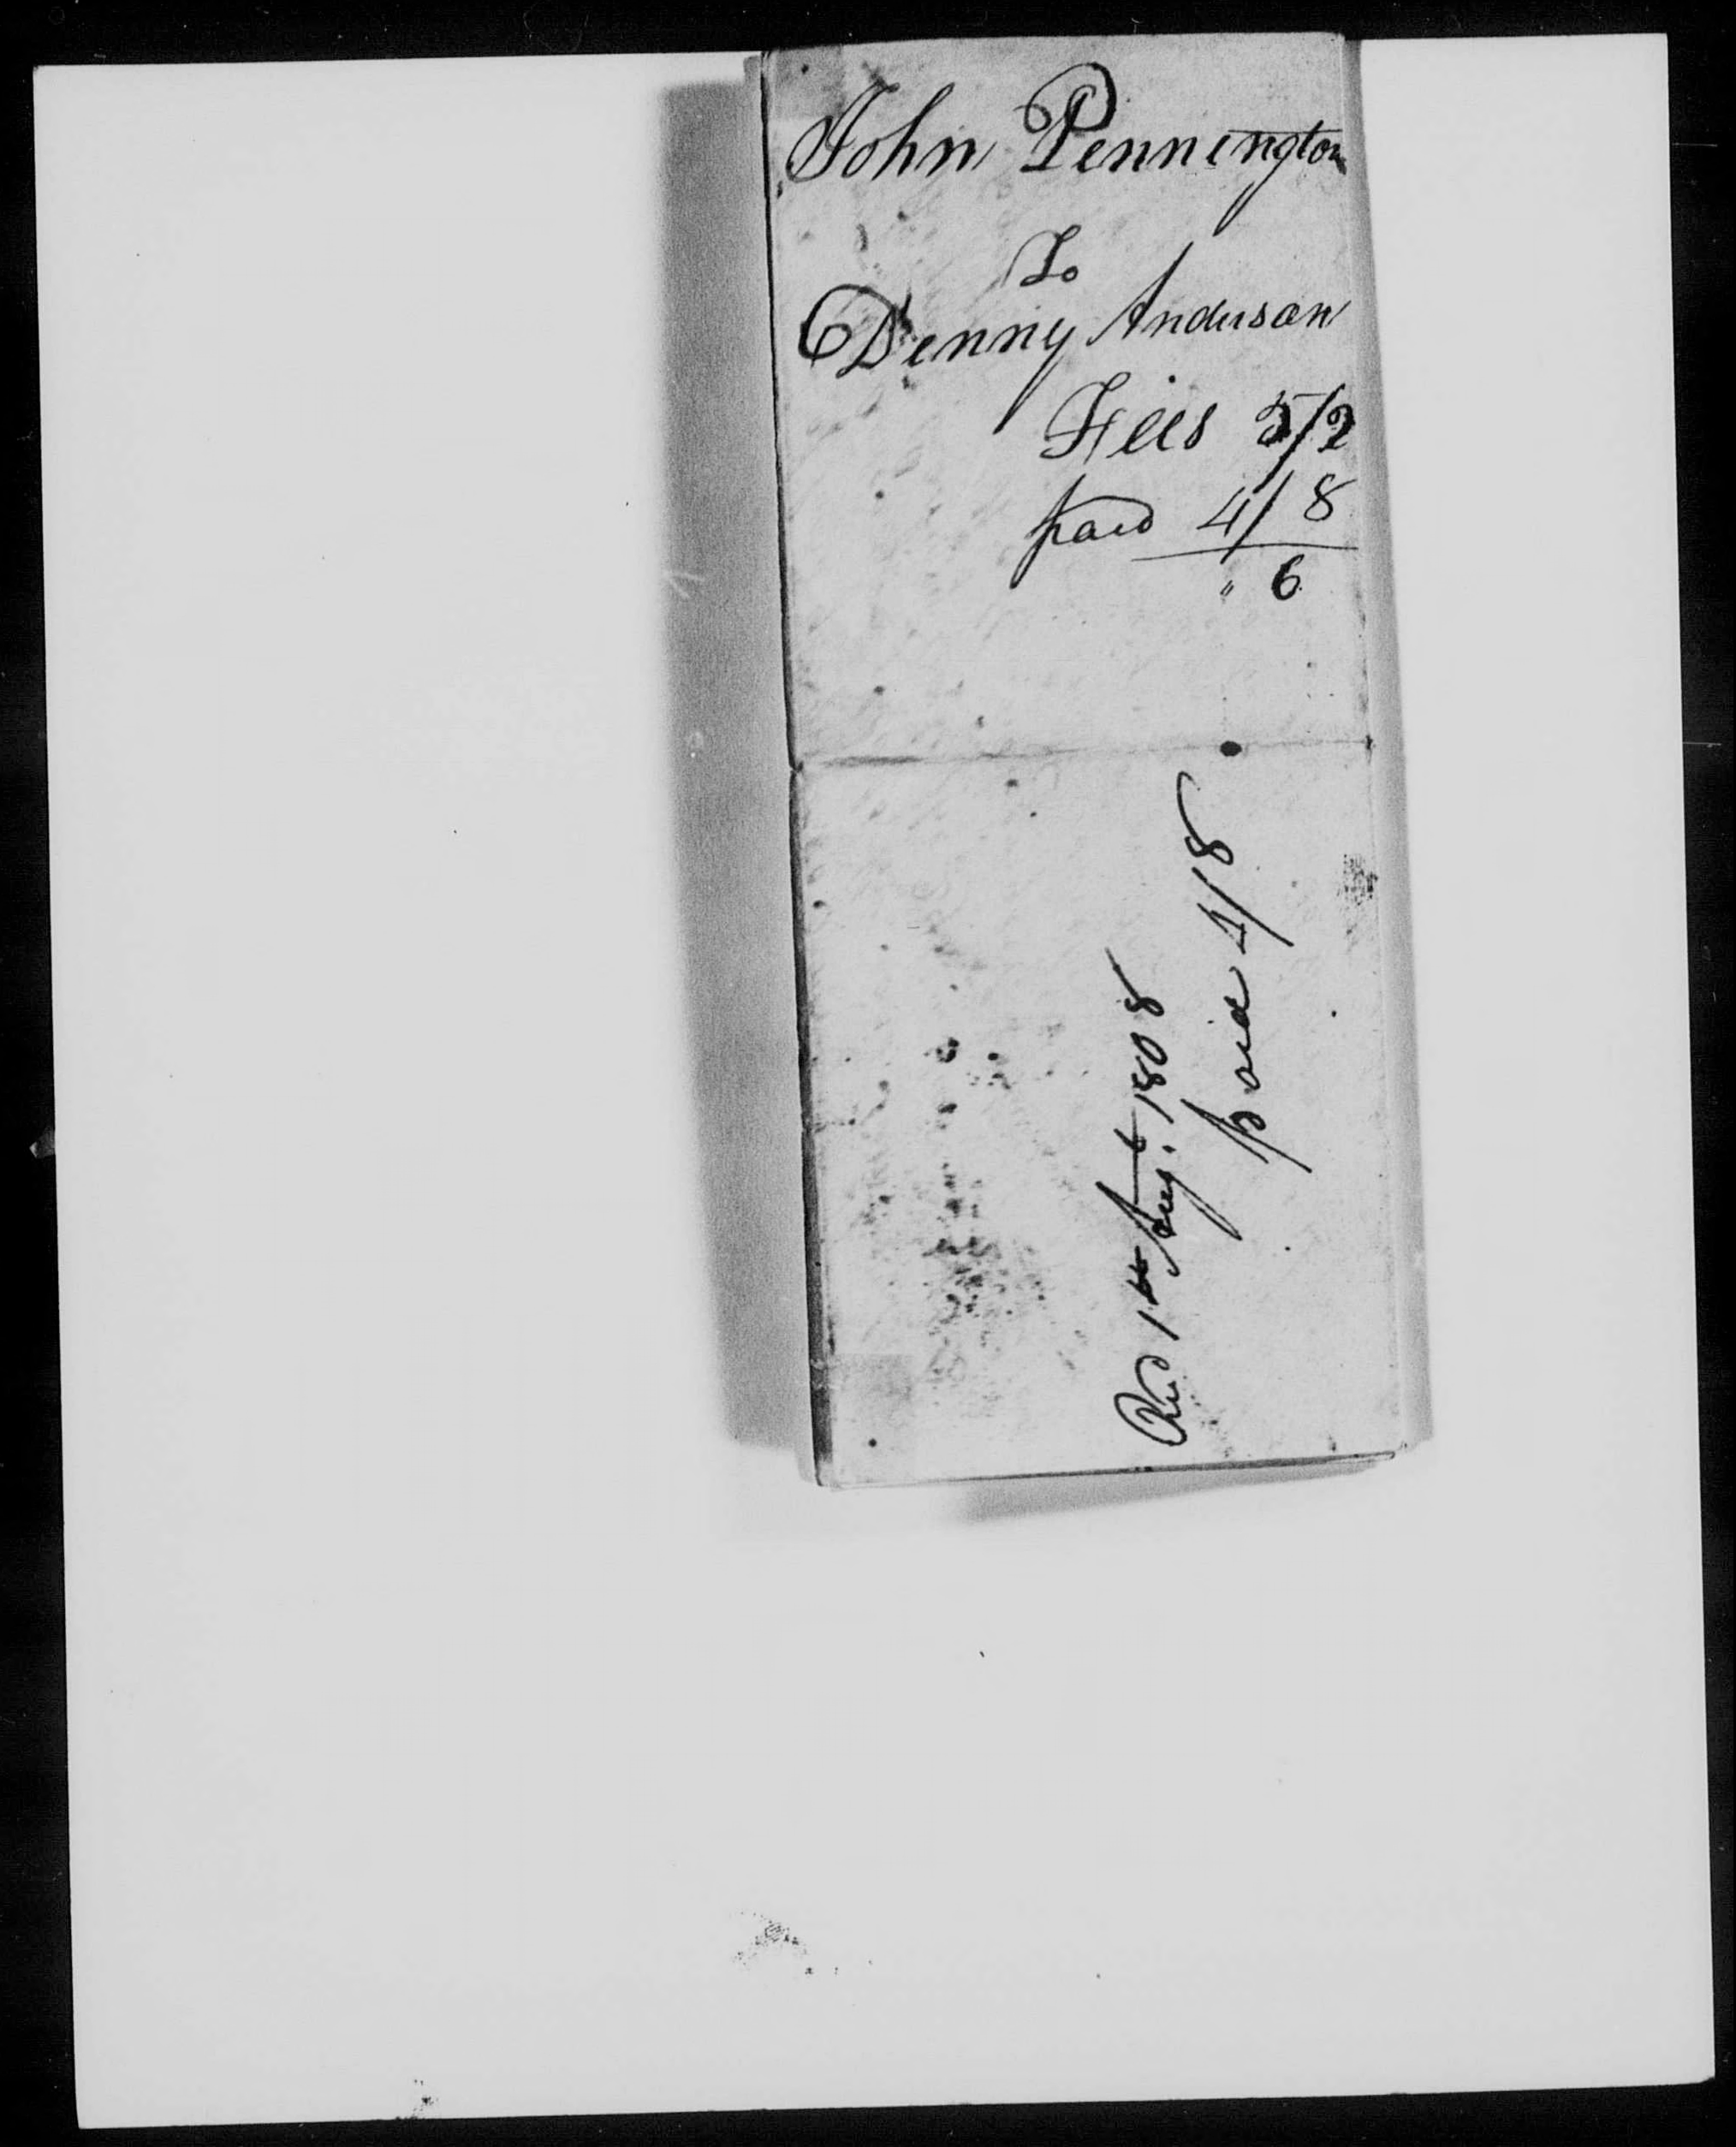John Pennington
to
Denny Anderson
Fees 5/2
Paid 4/8
_______
" 6




1st Aug 1808
paid 4/8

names: Denny Anderson, John Pennington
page: 31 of 51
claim: widow's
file: W. 9700, Denney Anderson, S.C.